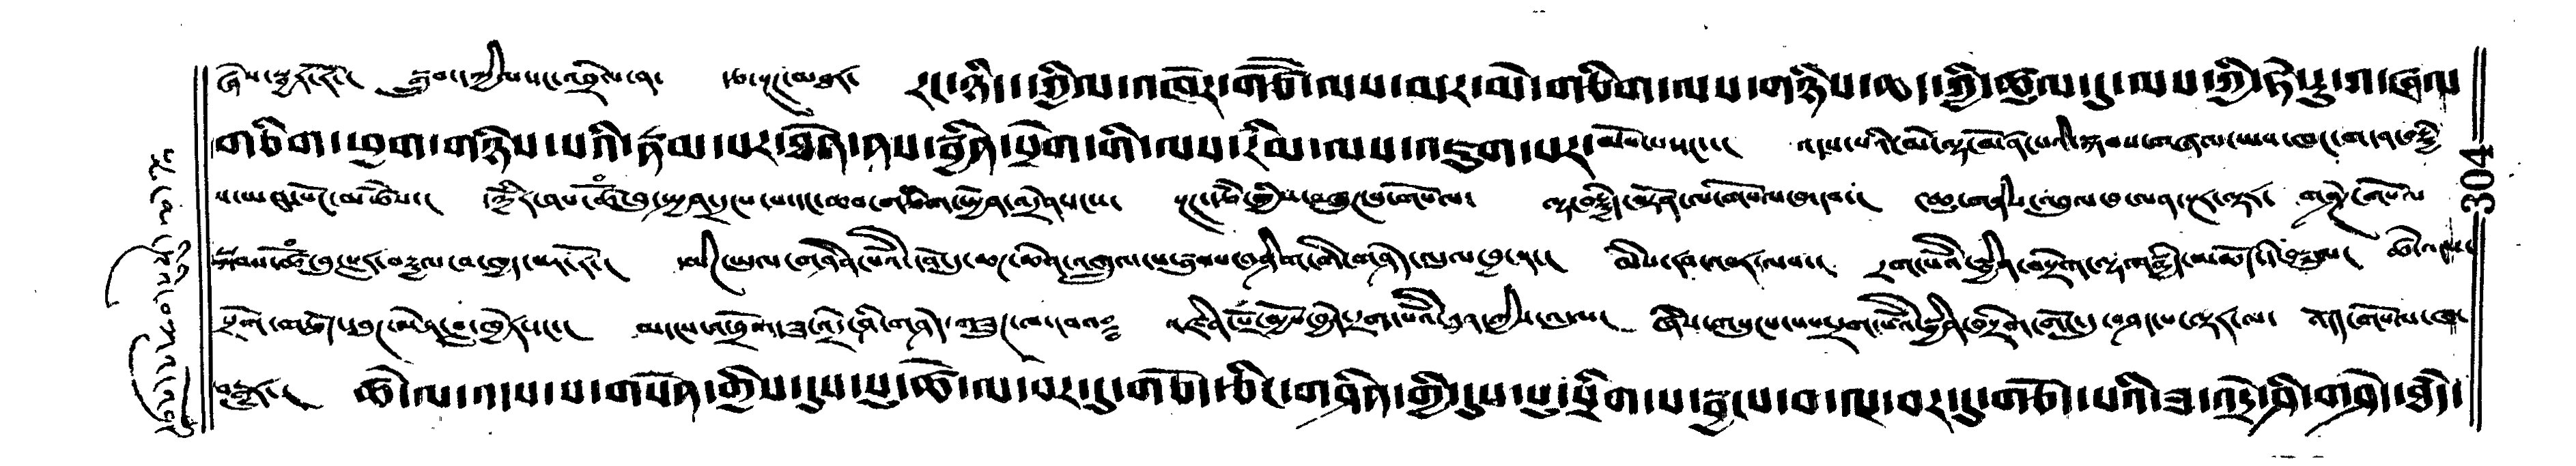ཞེས་སྦྱར་རོ། སྒྲུབ་དཀྱིལ་དང་འབྲེལ་ན། རྩ་སྔགས་མཐར། རང་ཉིད་དཀྱིལ་འཁོར་གཙོ་བོ་ལས་མར་མེ་གཅིག་ལས་གཉིས་ཆད་ཀྱི་ཚུལ་དུ་ལས་ཀྱི་ཧེ་རུ་ཀ་ཞལ་
གཅིག་ཕྱག་གཉིས་པའི་རྣམ་པར་ཐོན་ནས་སྦྱིན་སྲེག་གི་ལས་རིམ་ལ་འཇུག་པར་མོས་པ་དང་། འདས་པའི་མེ་ལྷ་མཚོན་པའི་སྐབས་གཞལ་ཡས་ཁང་གདན་བསྐྱེད་
པ་ཡན་སོང་མཚམས། དཀྱིལ་འཁོར་ནས་ཚོམ་བུ་སྤྱན་དྲངས་པ་དང་ཆབས་གཅིག་སྤྱན་འདྲེན་དང་། སྔགས་ཙམ་གྱིས་བཞུགས་སུ་གསོལ། ལྷ་བསྐྱེད་བཏོན་ལ་གསོལ་གདབ། ཆུ་གཉིས་འབུལ་བ་ཡན་སྔར་ལྟར། གཤེགས་གསོལ་
སྐབས་ཚོམ་བུ་སླར་བསྐྱེལ་བ་ཁྱད་པར་རོ། དམིགས་ཡུལ་གཤིན་པོའི་དོན་དུ་ཆགས་ཆེན་འཁྲུལ་པ་སྦུབས་བཤིག་གི་གཤེད་འདུལ་བྱ་ན།མེ་རི་རབ་འབར་ལས། དྲག་པོའི་སྦྱིན་སྲེག་ལྷ་བསྐྱེད་མཆོད་དེ་བསྐུལ། །ཚེ་འདས་
སྲོག་གཅོད་དབུགས་ལེན་བླ་ཁྱེར་དང་། །མདངས་འཕྲོག་ཟ་འདྲེ་ཤི་གཤེད་གཟུགས་ལ་དབབ། །འཛིན་སྡོམ་མྱོས་བྱེད་དྲག་པོའི་ཐུན་གྱིས་འདུལ། ཞེས་གསུངས་པས་དྲག་པོའི་སྦྱིན་སྲེག་གོང་དུ་བཤད་པ་ལྟར་ལ། འདོད་གསོལ་ཁ་
བསྒྱུར། ཚེ་ལས་འདས་པ་གསོན་གྱིས་དུས་སུ་ཚེ་ལ་བར་དུ་གཅོད་ཅིང་གཤིན་གྱི་དུས་སུ་སྡིག་པ་སྦྱོང་བ་ལ་བར་དུ་གཅོད་པའི་ཟ་འདྲེ་ཤི་གཤེད་ཐམས་ཅད་